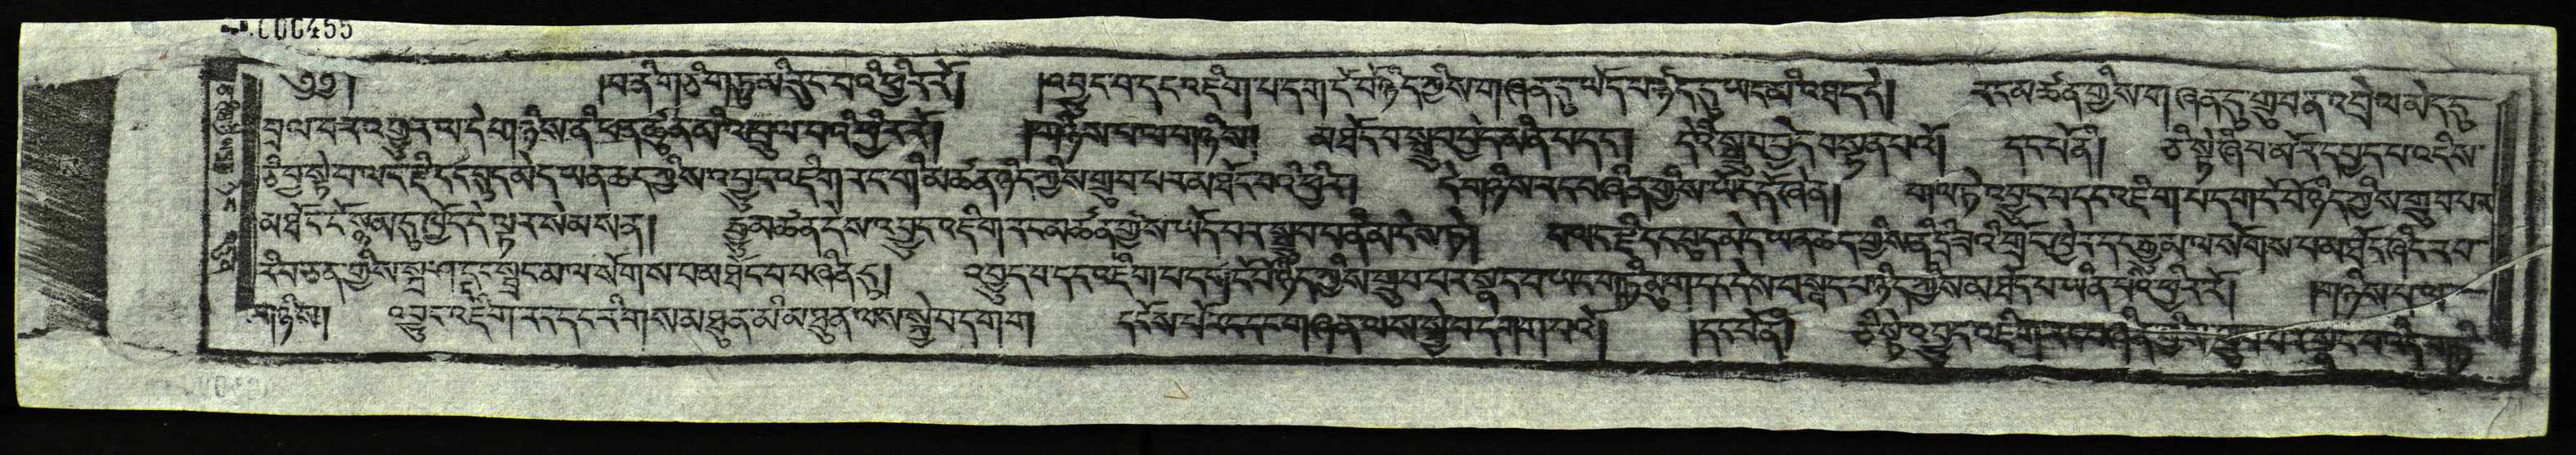༄༅། །པ་ནི་གཅིག་ཏུ་མི་རུང་བའི་ཕྱིར་རོ། །འབྱུང་བ་དང་འཇིག་པ་དག་ངོ་བོ་ཉིད་ཀྱིས་གཞན་དུ་ཡོད་པ་ཉིད་དུ་ཡང་མི་འཐད་དེ། རང་མཚན་གྱིས་གཞན་དུ་གྲུབ་ན་འབྲེལ་མེད་དུ་
བྲལ་བར་འགྱུར་ལ་དེ་གཉིས་ནི་ཕན་ཚུན་མི་འཁྲུལ་བའི་ཕྱིར་རོ། །གཉིས་པ་ལ་གཉིས། མཐོང་བ་སྒྲུབ་བྱེད་མིན་པ་དང་། དེའི་སྒྲུབ་བྱེད་བསྟན་པའོ། དང་པོ་ནི། ཅི་སྟེ་ཞིབ་མོར་དཔྱད་པ་འདིས་
ཅི་བྱ་སྟེ་བ་ལང་རྫི་དང་བུད་མེད་ཡན་ཆད་ཀྱིས་འབྱུང་འཇིག་རང་གི་མཚན་ཉིད་ཀྱིས་གྲུབ་པར་མཐོང་བའི་ཕྱིར། དེ་གཉིས་རང་བཞིན་གྱིས་ཡོད་དོ་ཞེ་ན། གལ་ཏེ་འབྱུང་བ་དང་འཇིག་པ་དག་ངོ་བོ་ཉིད་ཀྱིས་གྲུབ་པར་
མཐོང་ངོ་སྙམ་དུ་ཁྱོད་དེ་ལྟར་སེམས་ན། རྒྱུ་མཚན་དེས་འབྱུང་འཇིག་རང་མཚན་གྱིས་ཡོད་པར་སྒྲུབ་པ་ནི་མ་ངེས་ཏེ། བ་ལང་རྫི་དང་བུད་མེད་ཡན་ཆད་གྱིས་ནི་དྲི་ཟའི་གྲོང་ཁྱེར་དང་རྒྱུ་མ་ལ་སོགས་པ་མཐོང་ཞིང་རབ་
རིབ་ཅན་གྱིས་སྒྲ་ཤ་དང་སྦྲང་མ་ལ་སོགས་པ་མཐོང་བ་བཞིན་དུ། འབྱུང་བ་དང་འཇིག་པ་དག་ངོ་བོ་ཉིད་ཀྱིས་གྲུབ་པར་སྣང་བ་ཡང་གཏི་མུག་དང་དེས་བ་སྤང་བ་ཉིད་ཀྱིས་མཐོང་བ་ཡིན་པའི་ཕྱིར་རོ། །གཉིས་པ་ལ་
གཉིས། འབྱུང་འཇིག་རང་དང་རིགས་མཐུན་མི་མཐུན་ལས་སྐྱེ་བ་དགག། དངོས་པོ་རང་དང་གཞན་ལས་སྐྱེ་བ་དགག་པའོ། །དང་པོ་ནི། ཅི་སྟེ་འབྱུང་འཇིག་རང་བཞིན་གྱིས་གྲུབ་པར་སྣང་བ་འདི་གཏི་